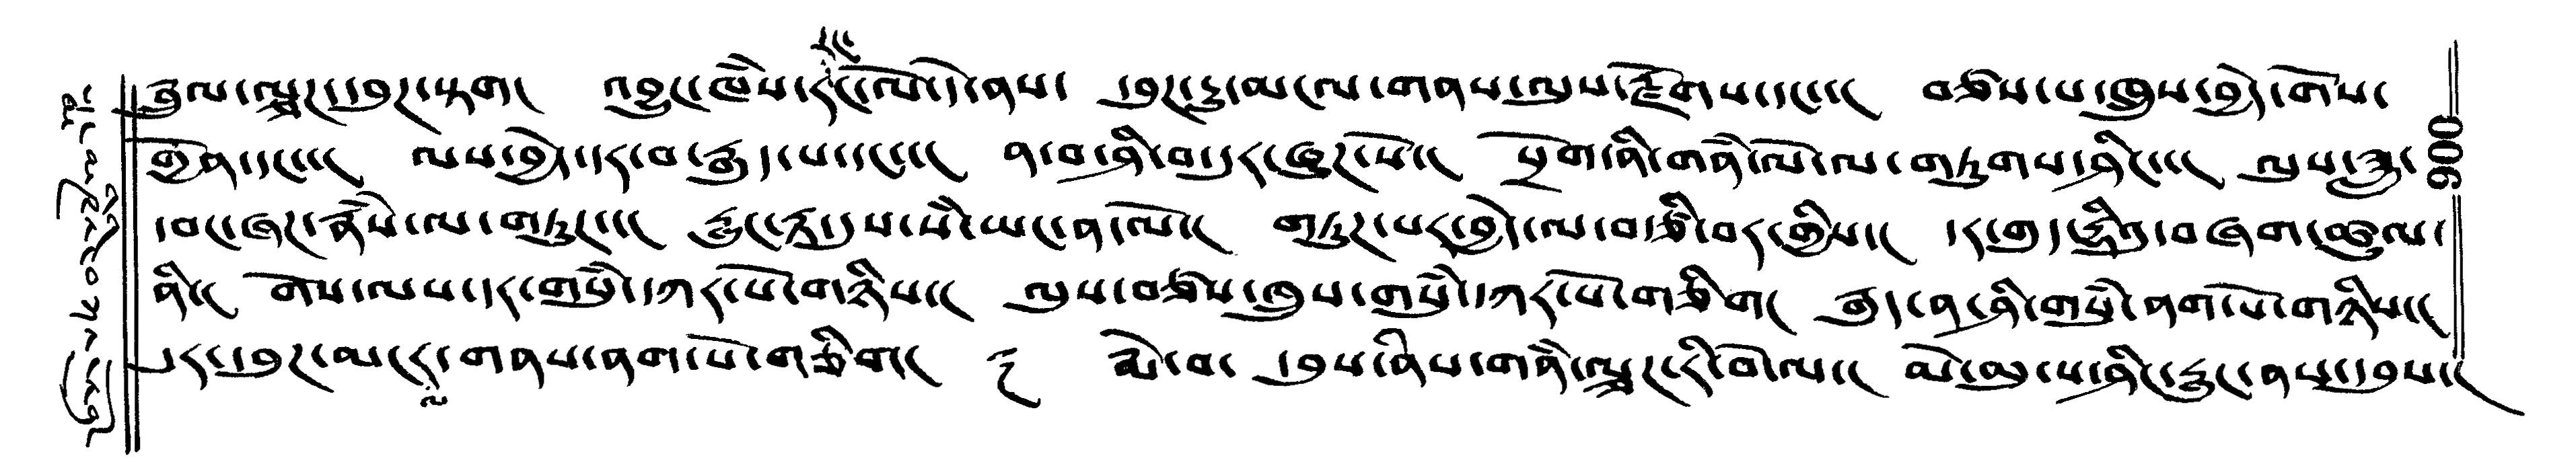སྦྲུལ་ལྕགས་དབུགས་སྟག །འབྱུང་ཁམས་རང་རང་ལོ་དེ་ནས། །དབུགས་རྒྱུ་མངལ་གནས་ལུས་རྫོགས་དང་། །བཙས་པ་ཁྲུས་བྱེད་གོས་
གྱོན་དང་། །ལས་བྱེད་དར་བ་རྒུད་པ་དང་། །ན་བ་ཤི་བ་དུར་ཞུགས་སོ། །སྲོག་ནི་གནམ་ལོ་ལ་གཏུགས་ཤིང་། །ལུས་ཟླ་
དབང་ཞག་རྣམས་ལ་གཏུགས། །རླུང་རྟ་དུས་སམ་ཡང་ན་ལོ། །གཏུགས་པར་བྱེད་ལ་བརྩི་བར་གྱིས། །དར་གུད་རྡེའུ་བཞག་ཚུལ་
ནི། །གོས་ལས་དར་གསུམ་དཀར་པོ་གཉིས། །ལུས་བཙས་ཁྲུས་གསུམ་དཀར་པོ་གཅིག །རྒུད་ན་ཤི་གསུམ་ནག་པོ་གཉིས། །
དུར་དབུགས་མངལ་གནས་ནག་པོ་གཅིག ༈ སྨེ་བ། །དབུས་ནས་གནམ་ལྕགས་རི་བོ་ལ། །མེ་ཆུ་ས་ཤིང་རླུང་ནས་དབུས།